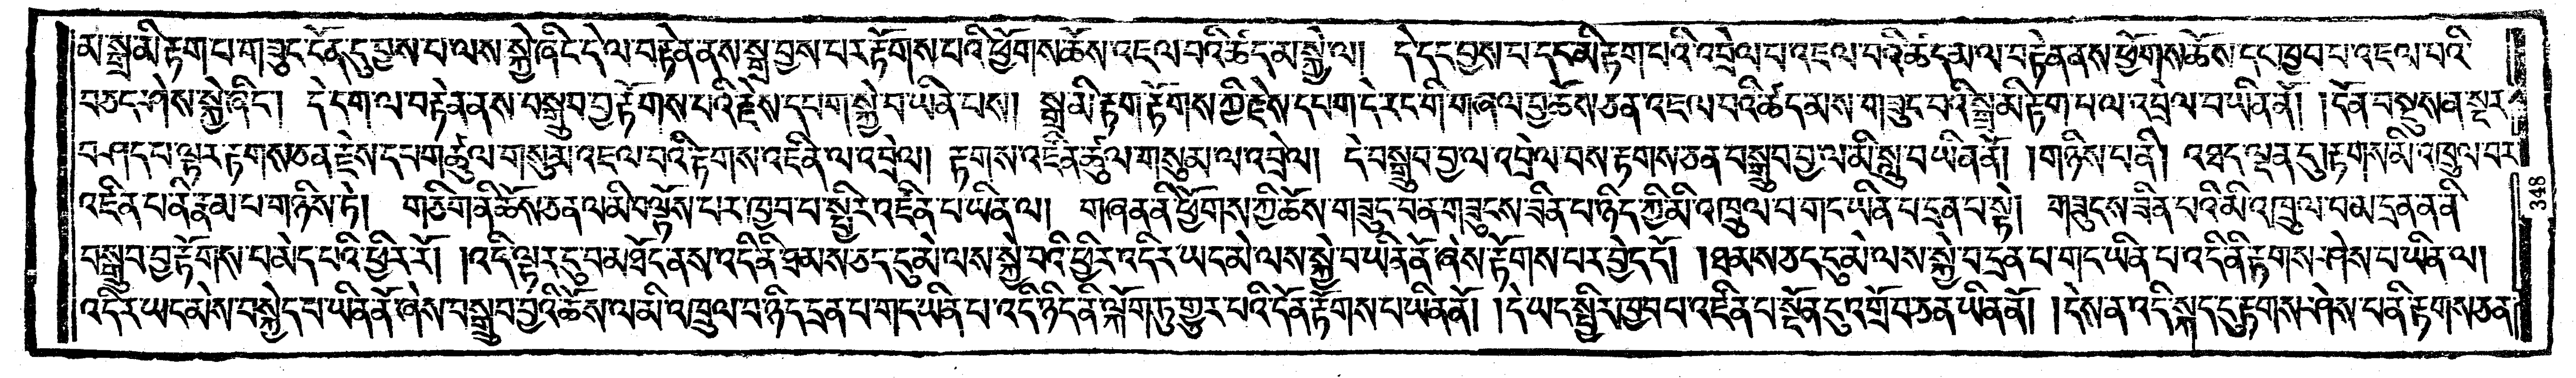མ་སྒྲ་མི་རྟག་པ་གཟུང་དོན་དུ་བྱས་པ་ལས་སྐྱེ་ཞིང་དེ་ལ་བརྟེན་ནས་སྒྲ་བྱས་པར་རྟོགས་པའི་ཕྱོགས་ཆོས་འཇལ་བའི་ཚད་མ་སྐྱེ་ལ། དེ་དང་བྱས་པ་དང་མི་རྟག་པའི་འབྲེལ་པ་འཇལ་བའི་ཚད་མ་ལ་བརྟེན་ནས་ཕྱོགས་ཆོས་དང་ཁྱབ་པ་འཇལ་བའི་
བཅད་ཤེས་སྐྱེ་ཞིང་། དེ་དག་ལ་བརྟེན་ནས་བསྒྲུབ་བྱ་རྟོགས་པའི་རྗེས་དཔག་སྐྱེ་བ་ཡིན་པས། སྒྲ་མི་རྟག་རྟོགས་ཀྱི་རྗེས་དཔག་དེ་རང་གི་གཞལ་བྱ་ཆོས་ཅན་འཇལ་བའི་ཚད་མས་གཟུང་བའི་སྒྲ་མི་རྟག་པ་ལ་འབྲེལ་བ་ཡིན་ནོ། །དོན་བསྡུས་ན་སྔར་
བཤད་པ་ལྟར་རྟགས་ཅན་རྗེས་དཔག་ཚུལ་གསུམ་འཇལ་བའི་རྟགས་འཛིན་ལ་འབྲེལ། རྟགས་འཛིན་ཚུལ་གསུམ་ལ་འབྲེལ། དེ་བསྒྲུབ་བྱ་ལ་འབྲེལ་བས་རྟགས་ཅན་བསྒྲུབ་བྱ་ལ་མི་སླུ་བ་ཡིན་ནོ། །གཉིས་པ་ནི། འཐད་ལྡན་དུ། རྟགས་མི་འཁྲུལ་བར་
འཛིན་པ་ནི་རྣམ་པ་གཉིས་ཏེ། གཅིག་ནི་ཆོས་ཅན་ལ་མི་བལྟོས་པར་ཁྱབ་པ་སྤྱིར་འཛིན་པ་ཡིན་ལ། གཞན་ནི་ཕྱོགས་ཀྱི་ཆོས་གཟུང་བ་ན་གཟུངས་ཟིན་པ་ཉིད་ཀྱི་མི་འཁྲུལ་བ་གང་ཡིན་པ་དྲན་པ་སྟེ། གཟུངས་ཟིན་པའི་མི་འཁྲུལ་བ་མ་དྲན་ན་ནི་
བསྒྲུབ་བྱ་རྟོགས་པ་མེད་པའི་ཕྱིར་རོ། །འདི་ལྟར་དུ་བ་མཐོང་ནས་འདི་ནི་ཐམས་ཅད་དུ་མེ་ལས་སྐྱེ་བའི་ཕྱིར་འདིར་ཡང་མེ་ལས་སྐྱེ་བ་ཡིན་ནོ་ཞེས་རྟོགས་པར་བྱེད་དོ། །ཐམས་ཅད་དུ་མེ་ལས་སྐྱེ་བ་དྲན་པ་གང་ཡིན་པ་འདི་ནི་རྟགས་ཤེས་པ་ཡིན་ལ།
འདིར་ཡང་མེས་བསྐྱེད་པ་ཡིན་ནོ་ཞེས་བསྒྲུབ་བྱའི་ཆོས་ལ་མི་འཁྲུལ་བ་ཉིད་དྲན་པ་གང་ཡིན་པ་འདི་ཉིད་ནི་ལྐོག་ཏུ་གྱུར་པའི་དོན་རྟོགས་པ་ཡིན་ནོ། །དེ་ཡང་སྤྱིར་ཁྱབ་པ་འཛིན་པ་སྔོན་དུ་འགྲོ་བ་ཅན་ཡིན་ནོ། །དེས་ན་འདི་སྐད་དུ་རྟགས་ཤེས་པ་ནི་རྟགས་ཅན་